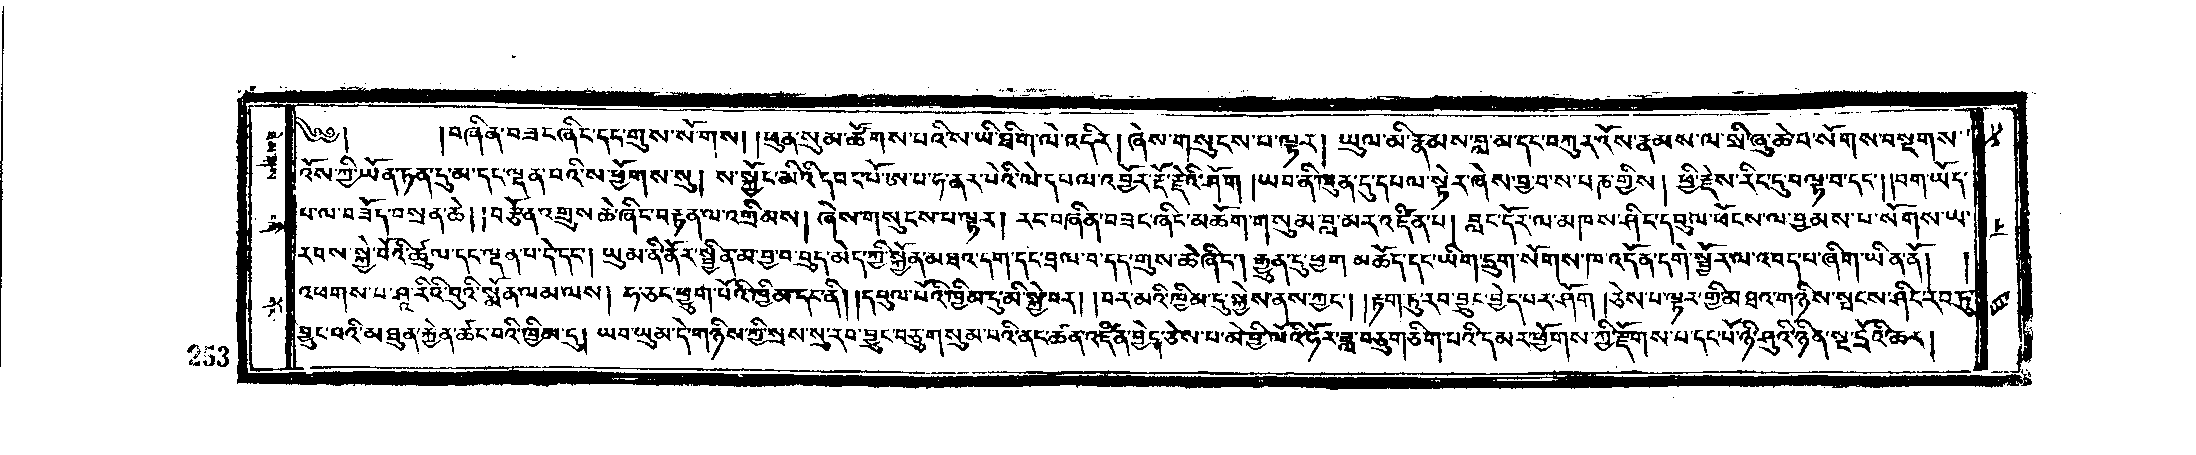༄༅། །བཞིན་བཟང་ཞིང་དང་གུས་སོགས། །ཕུན་སུམ་ཚོགས་པའི་ས་ཡི་ཐིག་ལེ་འདིར། ཞེས་གསུངས་པ་ལྟར། ཡུལ་མི་རྣམས་བླ་མ་དང་བཀུར་འོས་རྣམས་ལ་སྲི་ཞུ་ཆེ་བ་སོགས་བསྔགས་
འོས་ཀྱི་ཡོན་ཏན་དུ་མ་དང་ལྡན་པའི་ས་ཕྱོགས་སུ། ས་སྐྱོང་མིའི་དབང་པོ་ཨ་པ་ཧ་ནར་པེའི་ལེ་དཔལ་འབྱོར་རྡོ་རྗེའི་ཤོག །ཡབ་ནི་ཁུན་དུ་དཔལ་སྟེར་ཞེས་བྱ་བ་ས་པཎ་གྱིས། ཕྱི་རྗེས་རིང་དུ་བལྟ་བ་དང་། །བག་ཡོད་
པ་ལ་བཟོད་བསྲན་ཆེ། །བརྩོན་འགྲུས་ཆེ་ཞིང་བརྟན་ལ་འགྲིམས། ཞེས་གསུངས་པ་ལྟར། རང་བཞིན་བཟང་ཞིང་མཆོག་གསུམ་བླ་མར་འཛིན་པ། བླང་དོར་ལ་མཁས་ཤིང་དབུ་ལ་ཕོངས་ལ་བྱམས་པ་སོགས་ཡ་
རབས་སྐྱེ་བོའི་ཚུལ་དང་ལྡན་པ་དེ་དང་། ཡུམ་ནི་ནོར་སྦྱིན་མ་བྱ་བ་བུད་མེད་ཀྱི་སྐྱོན་མཐའ་དག་དང་བྲལ་བ་དད་གུས་ཆེ་ཞིང་། རྒྱུན་དུ་ཕྱག་མཆོད་དང་ཡིག་དྲུག་སོགས་ཁ་འདོན་དགེ་སྦྱོར་ལ་འབད་པ་ཞིག་ཡིན་ནོ། །
འཕགས་པ་ཤཱ་རིའི་བུའི་སྨོན་ལམ་ལས། ཧ་ཅང་ཕྱུག་པོའི་ཁྱིམ་དང་ནི། །དབུལ་པོའི་ཁྱིམ་དུ་མི་སྐྱེ་བར། །བར་མའི་ཁྱིམ་དུ་སྐྱེས་ནས་ཀྱང་། །རྟག་ཏུ་རབ་བྱུང་བྱེད་པར་ཤོག །ཅེས་པ་ལྟར་གྱི་མཐའ་གཉིས་སྤངས་ཤིང་རབ་ཏུ་
བྱུང་བའི་མཐུན་རྐྱེན་ཚང་བའི་ཁྱིམ་དུ། ཡབ་ཡུམ་དེ་གཉིས་ཀྱི་སྲས་སུ་རབ་བྱུང་བཅུ་གསུམ་པའི་ནང་ཚན་འཛིན་བྱེད་ཅེས་པ་མེ་བྱི་ལོའི་ཧོར་ཟླ་བཅུ་གཅིག་པའི་དམར་ཕྱོགས་ཀྱི་རྫོགས་པ་དང་པོ་ཉི་ཤུའི་ཉིན་སྔ་དྲོའི་ཆར།